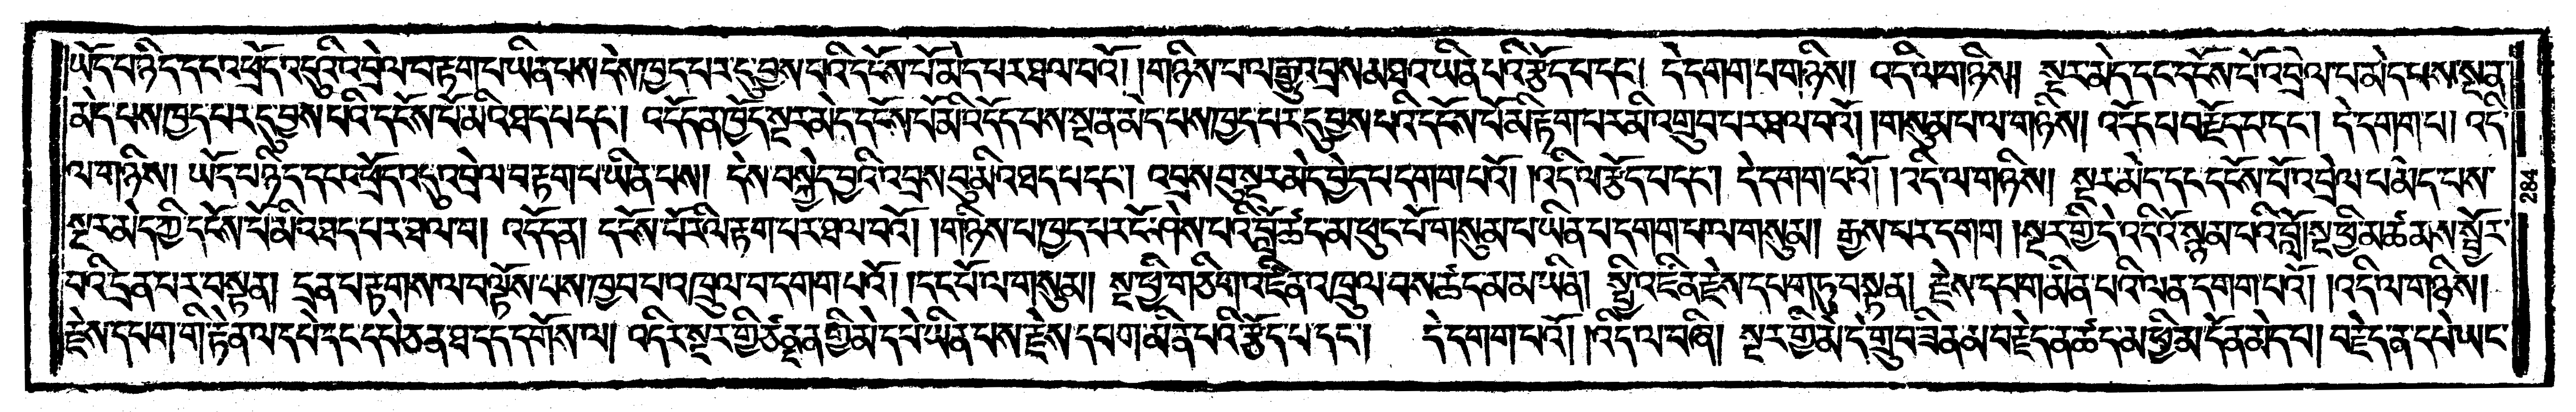ཡོད་པ་ཉིད་དང་འཕྲོད་འདུའི་འབྲེལ་པ་རྟག་པ་ཡིན་པས་དེས་ཁྱད་པར་དུ་བྱས་པའི་དངོས་པོ་མེད་པར་ཐལ་བའོ། །གཉིས་པ་ལ་རྒྱུ་འབྲས་མཐའ་ཡིན་པའི་རྩོད་པ་དང་། དེ་དགག་པ་གཉིས། འདི་ལ་གཉིས། སྔར་མེད་དང་དངོས་པོ་འབྲེལ་པ་མེད་པས་སྔ་ན་
མེད་པས་ཁྱད་པར་དུ་བྱས་པའི་དངོས་པོ་མི་འཐད་པ་དང་། འདོད་ན་ཁྱོད་སྔར་མེད་དངོས་པོ་མི་འདོད་པས་སྔ་ན་མེད་པས་ཁྱད་པར་དུ་བྱས་པའི་དངོས་པོ་མི་རྟག་པར་མི་འགྲུབ་པར་ཐལ་བའོ། །གསུམ་པ་ལ་གཉིས། འདོད་པ་བརྗོད་པ་དང་། དེ་དགག་པ། འདི་
ལ་གཉིས། ཡོད་པ་ཉིད་དང་འཕྲོད་འདུ་འབྲེལ་བ་རྟག་པ་ཡིན་པས། དེས་བསྐྱེད་བྱའི་འབྲས་བུ་མི་འཐད་པ་དང་། འབྲས་བུ་སྔར་མེད་བྱེད་པ་དགག་པའོ། །འདི་ལ་རྩོད་པ་དང་། དེ་དགག་པའོ། །འདི་ལ་གཉིས། སྔར་མེད་དང་དངོས་པོ་འབྲེལ་པ་མེད་པས་
སྔར་མེད་ཀྱི་དངོས་པོ་མི་འཐད་པར་ཐལ་བ། འདོད་ན། དངོས་པོ་རིལ་རྟག་པར་ཐལ་བའོ། །གཉིས་པ་ཁྱད་པར་ངོ་ཤེས་པའི་བློ་ཚད་མ་ཕུང་པོ་གསུམ་པ་ཡིན་པ་དགག་པ་ལ་གསུམ། རྒྱས་པར་དགག །སྔར་གྱི་དེ་འདིའོ་སྙམ་པའི་བློ། སྔ་ཕྱི་མཚམས་སྦྱོར་
བའི་དྲན་པར་བསྟན། དྲན་པ་རྟགས་ལ་བལྟོས་པས་ཁྱབ་པ་འཁྲུལ་བ་དགག་པའོ། །དང་པོ་ལ་གསུམ། སྔ་ཕྱི་གཅིག་འཛིན་འཁྲུལ་པས་ཚད་མ་མ་ཡིན། སྤྱི་འཛིན་རྗེས་དཔག་ཏུ་བསྟན། རྗེས་དཔག་མིན་པའི་ལན་དགག་པའོ། །འདི་ལ་གཉིས།
རྗེས་དཔག་གི་རྟེན་ལ་དཔེ་དང་དཔེ་ཅན་ཐ་དད་དགོས་ལ། འདིར་སྔར་གྱི་ཙནྡན་གྱི་མེ་དཔེ་ཡིན་པས་རྗེས་དཔག་མིན་པའི་རྩོད་པ་དང་། དེ་དགག་པའོ། །འདི་ལ་བཞི། སྔར་གྱི་མེ་དེ་གྲུབ་ཟིན་མ་བརྗེད་ན་ཚད་མ་ཕྱི་མ་དོན་མེད་པ། བརྗེད་ན་དཔེ་ཡང་